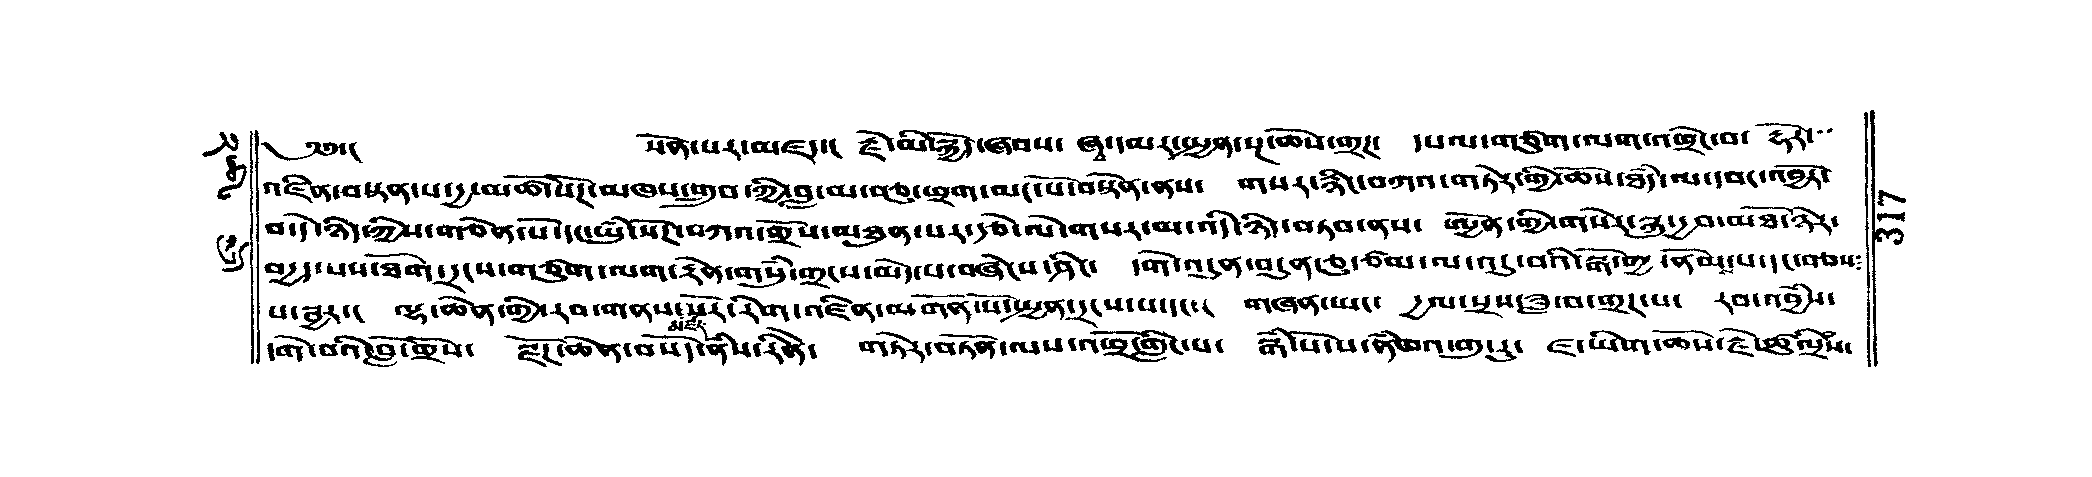སོན་པར་མཛད། རྗེ་མི་སྐྱོད་ཞབས། ཞྭ་དམར་སྤྱན་སྔ་ཆོས་གྲགས། དཔལ་གཙུག་ལག་འཕྲེང་བ་ རྡོར་
འཛིན་བསྟན་པ་རྒྱ་མཚོ་སོགས་མཁས་གྲུབ་ཀྱི་བླ་མ་བཅུ་ཕྲག་མང་པོ་བསྟེན་ནས། གསར་རྙིང་བཀའ་གཏེར་གྱི་ཆོས་ཐམས་ཅད་ལ་དབང་འབྱོར་
བ་དེ་ཉིད་ཀྱིས་གཅེན་པོ་དང་ཡུམ་སོགས་བཀའ་གྲོས་མཐུན་པར་རྩེ་ལེ་གསར་མ་འདི་ཉིད་བཏབ་ནས། ཨོ་རྒྱན་གྱི་གསེར་སྐུ་རྒྱབ་མཐོ་ཉེར་
བརྒྱད་པས་ཐོག་དྲངས་གཙུག་ལག་རྟེན་གསུམ་གྲངས་མེད་པ་བཞེངས་ཤིང་། དགེ་འདུན་བདུན་ཅུ་ཙམ་ལ་འདུ་བའི་སྒོ་གྱ་ནོམ་པ་དང་བཅས་
པ་སྦྱར། ལྷ་ཆེན་གྱི་རབ་གནས་མཛད་པོར་རིག་འཛིན་མགོན་པོ་སྤྱན་དྲངས་པ་དང་། གཞན་ཡང་། རྒྱལ་སྲས་ཟླ་བ་གྲགས་པ། རབ་འབྱམས་
དགེ་བའི་བློ་གྲོས། རྫོགས་ཆེན་བསོད་ནམས་རིན་ཆེན། གཏེར་གཏོན་ལས་འཕྲོ་གླིང་པ། སྒམ་པོ་པ་ནམ་མཁའ་གུ་རུ། ཛ་ཡིག་ཆོས་རྗེ་ཚུལ་ཁྲིམས་